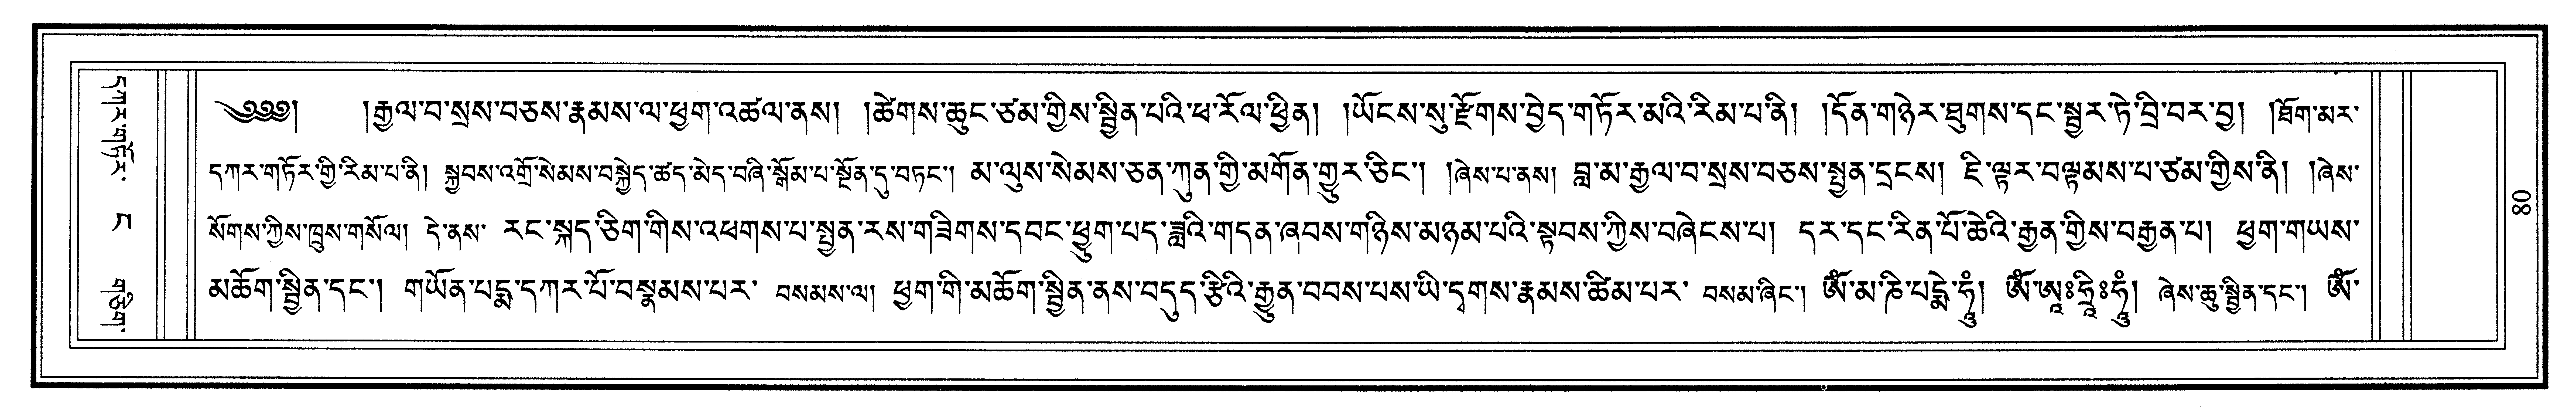༄༅༅། །རྒྱལ་བ་སྲས་བཅས་རྣམས་ལ་ཕྱག་འཚལ་ནས། །ཚེགས་ཆུང་ཙམ་གྱིས་སྦྱིན་པའི་ཕ་རོལ་ཕྱིན། །ཡོངས་སུ་རྫོགས་བྱེད་གཏོར་མའི་རིམ་པ་ནི། །དོན་གཉེར་ཐུགས་དང་སྦྱར་ཏེ་བྲི་བར་བྱ། །ཐོག་མར་
དཀར་གཏོར་གྱི་རིམ་པ་ནི། སྐྱབས་འགྲོ་སེམས་བསྐྱེད་ཚད་མེད་བཞི་སྒོམ་པ་སྔོན་དུ་བཏང་། མ་ལུས་སེམས་ཅན་ཀུན་གྱི་མགོན་གྱུར་ཅིང་། །ཞེས་པ་ནས། བླ་མ་རྒྱལ་བ་སྲས་བཅས་སྤྱན་དྲངས། ཇི་ལྟར་བལྟམས་པ་ཙམ་གྱིས་ནི། །ཞེས་
སོགས་ཀྱིས་ཁྲུས་གསོལ། དེ་ནས་རང་སྐད་ཅིག་གིས་འཕགས་པ་སྤྱན་རས་གཟིགས་དབང་ཕྱུག་པད་ཟླའི་གདན་ཞབས་གཉིས་མཉམ་པའི་སྟབས་ཀྱིས་བཞེངས་པ། དར་དང་རིན་པོ་ཆེའི་རྒྱན་གྱིས་བརྒྱན་པ། ཕྱག་གཡས་
མཆོག་སྦྱིན་དང་། གཡོན་པདམ་དཀར་པོ་བསྣམས་པར་བསམས་ལ། ཕྱག་གི་མཆོག་སྦྱིན་ནས་བདུད་རྩིའི་རྒྱུན་བབས་པས་ཡི་དྭགས་རྣམས་ཚིམ་པར་བསམ་ཞིང་། ཨོཾ་མ་ཎི་པདམེ་ཧཱུཾ། ཨོཾ་ཨཱཿ ཧྲཱིཿ ཧཱུཾ། ཞེས་ཆུ་སྦྱིན་དང་། ཨོཾ་